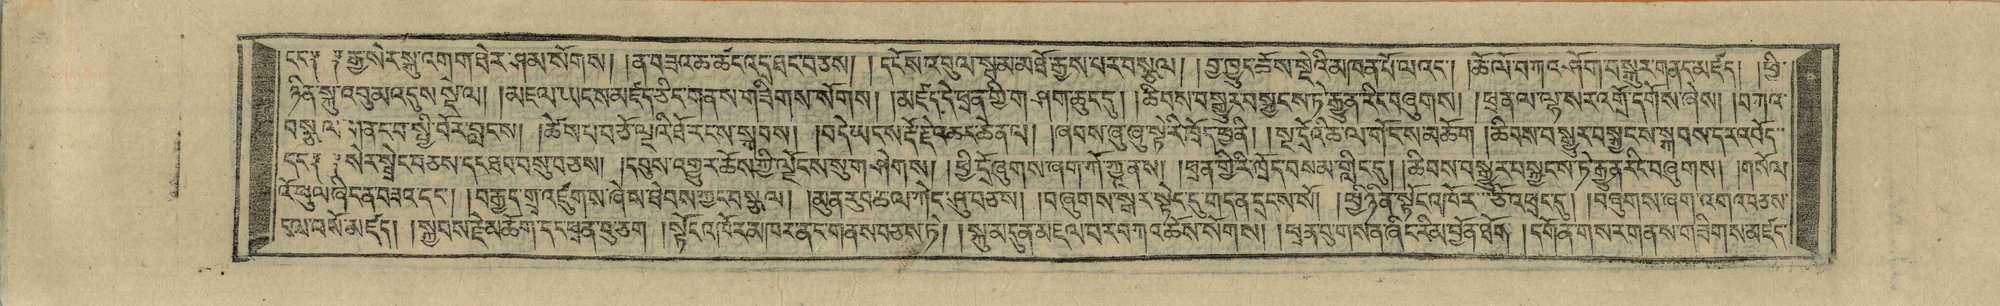དང་། །རྒྱ་སེར་སྐུ་འགྲག་ཐེར་ཤམ་སོགས། །ན་བཟའ་ཆ་ཚང་འདྲ་ཐང་བཅས། །དངོས་འབུལ་སྦམ་མཐོ་རྒྱས་པར་བསྩལ། །བྱ་ཁྱུང་ཆོས་སྡེའི་མཁན་པོ་ལའང་། །ཆོ་ལོ་བཀའ་ཤོག་བསྐུར་གནང་མཛད། །ཕྱི་
ཉིན་སྐུ་འབུམ་འདུས་སྡེ་ལ། །མཇལ་ཡངས་མཛད་ཅིང་གནས་གཟིགས་སོགས། །མཛད་དེ་ཕྲན་གྱི་གཤག་ཆུང་དུ། །ཆིབས་བསྒྱུར་བསྐྱངས་ཏེ་རྒྱུན་རིང་བཞུགས། །ཕྲན་ལ་ལྷ་སར་འགྲོ་དགོས་ཞེས། །བཀའ་
བསྩལ་གནང་བ་སྤྱི་བོར་བླངས། །ཚེས་པ་བཅོ་ལྔའི་ཐོ་རངས་སྐབས། །བདེ་ཡངས་རྡོ་རྗེ་འཆང་ཆེན་ལ། །ཞབས་ཞུ་ཞུ་སྟེ་རི་ཁྲོད་ཕྱིན། །སྔ་དྲོའི་ཆ་ལ་གོང་ས་མཆོག །ཆིབས་བསྒྱུར་བསྐྱངས་སྐབས་དར་འབོད་
དང་། །སེར་སྦྲེང་བཅས་དང་ཐབ་བསུ་བཅས། །དབུས་འགྱུར་ཆོས་ཀྱི་ལྗོངས་སུ་གཤེགས། །ཕྱི་དྲོ་ཞུགས་ཞག་ཀོ་ཀྱཱ་ནས། །ཕྲན་གྱི་རི་ཁྲོད་བསམ་གླིང་དུ། །ཆིབས་བསྒྱུར་བསྐྱངས་ཏེ་རྒྱུན་རིང་བཞུགས། །གསོལ་
འོ་ཕུལ་ཞིང་ན་བཟའ་དང་། །བརྒྱད་གྲྭ་འཛུགས་ཞེས་ཐེབས་ཀྱང་བསྩལ། །མུན་རུབ་ཆ་ལ་ཀེང་ཤུ་བཅས། །བཞུགས་སྒེར་སྟེང་དུ་གདན་དྲངས་སོ། །ཕྱི་ཉིན་སྟོང་འཁོར་ཅོ་འཕྲང་དུ། །བཞུགས་ཞག་འགའ་བཅས་
ངལ་བསོ་མཛད། །སྐྱབས་རྗེ་མཆོག་དང་ཕྲན་བུ་ཅག །སྟོང་འཁོར་མཁར་ནང་གནས་བཅས་ཏེ། །སྐུ་མདུན་མཇལ་བར་བཀའ་ཆོས་སོགས། །ཕྲན་བུ་གསན་ཞིང་རིམ་བྱོན་ཐོག །དགོན་གསར་གནས་གཟིགས་མཛད་